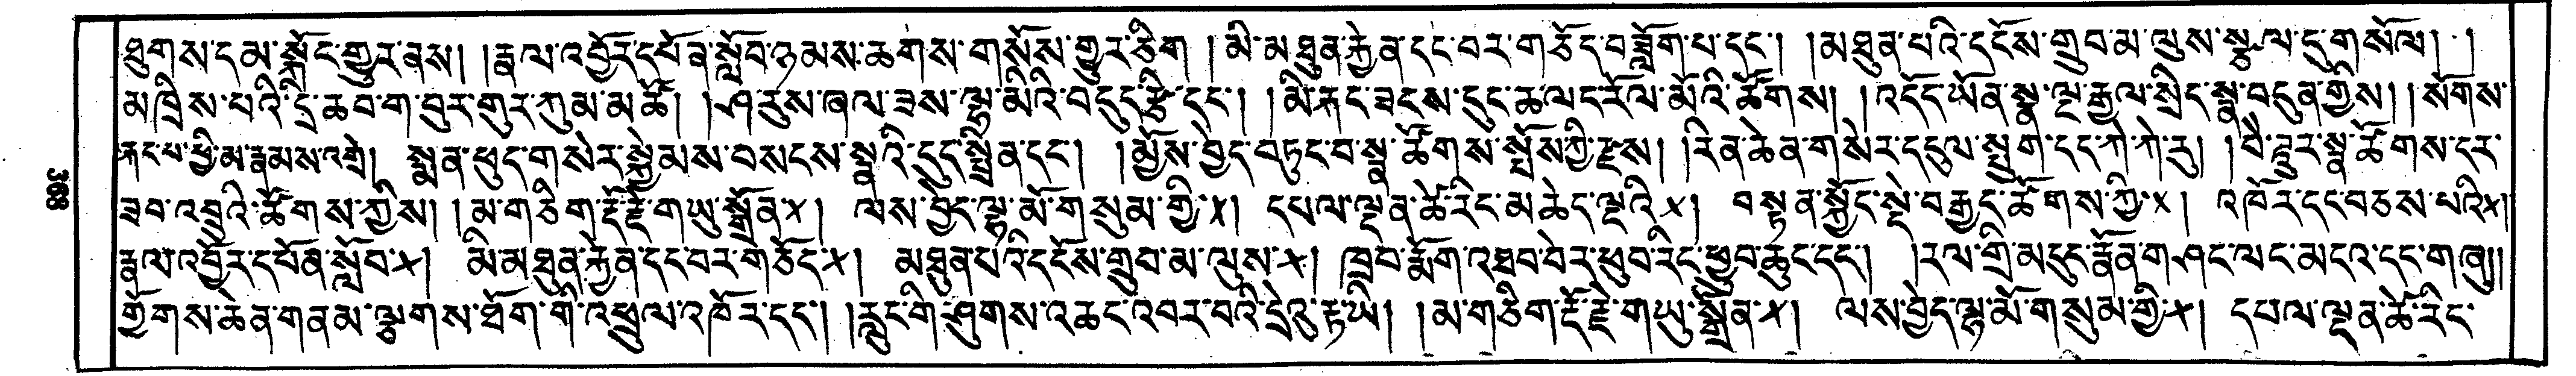ཐུགས་དམ་སྐོང་གྱུར་ནས། །རྣལ་འབྱོར་དཔོན་སློབ་ཉམས་ཆགས་གསོས་གྱུར་ཅིག །མི་མཐུན་རྐྱེན་དང་བར་གཅོད་བཟློག་པ་དང་། །མཐུན་པའི་དངོས་གྲུབ་མ་ལུས་སྩལ་དུ་གསོལ། །
མཁྲིས་པའི་དྲི་ཆབ་ག་པུར་གུར་ཀུམ་མཚོ། །ཤ་རུས་ཞལ་ཟས་ལྷ་མིའི་བདུད་རྩི་དང་། །མི་རྐང་ཟངས་དུང་ཆ་ལང་རོལ་མོའི་ཚོགས། །འདོད་ཡོན་སྣ་ལྔ་རྒྱལ་སྲིད་སྣ་བདུན་གྱིས། །སོགས་
རྐང་པ་ཕྱི་མ་རྣམས་འགྲེ། སྨན་ཕུད་གསེར་སྐྱེམས་བསངས་སྣའི་དུད་སྤྲིན་དང་། །མྱོས་བྱེད་བཏུང་བ་སྣ་ཚོགས་སྤོས་ཀྱི་རྫས། །རིན་ཆེན་གསེར་དངུལ་སྤུག་དང་ཀེ་ཀེ་རུ། །བཻ་ཌཱུར་སྣ་ཚོགས་དར་
ཟབ་འབྲུའི་ཚོགས་ཀྱིས། །མ་གཅིག་རྡོ་རྗེ་གཡུ་སྒྲོན། ལས་བྱེད་ལྷ་མོ་གསུམ་གྱི། དཔལ་ལྡན་ཚེ་རིང་མཆེད་ལྔའི། བསྟན་སྐྱོང་སྡེ་བརྒྱད་ཚོགས་ཀྱི། འཁོར་དང་བཅས་པའི་
རྣལ་འབྱོར་དཔོན་སློབ། མི་མཐུན་རྐྱེན་དང་བར་གཅོད། མཐུན་པའི་དངོས་གྲུབ་མ་ལུས། ཁྲབ་རྨོག་འཐབ་བེར་ཕུབ་རིང་ཕྱུབ་ཆུད་དང་། །རལ་གྲི་མདུང་རྣོན་གཤང་ལང་མདའ་དང་གཞུ།།
གྱོགས་ཆེན་གནམ་ལྕགས་ཐོག་གི་འཕྲུལ་འཁོར་དང་། །རླུང་གི་ཤུགས་འཆང་འབར་བའི་དྲེའུ་རྟ་ཡི། །མ་གཅིག་རྡོ་རྗེ་གཡུ་སྒྲོན། ལས་བྱེད་ལྷ་མོ་གསུམ་གྱི། དཔལ་ལྡན་ཚེ་རིང་